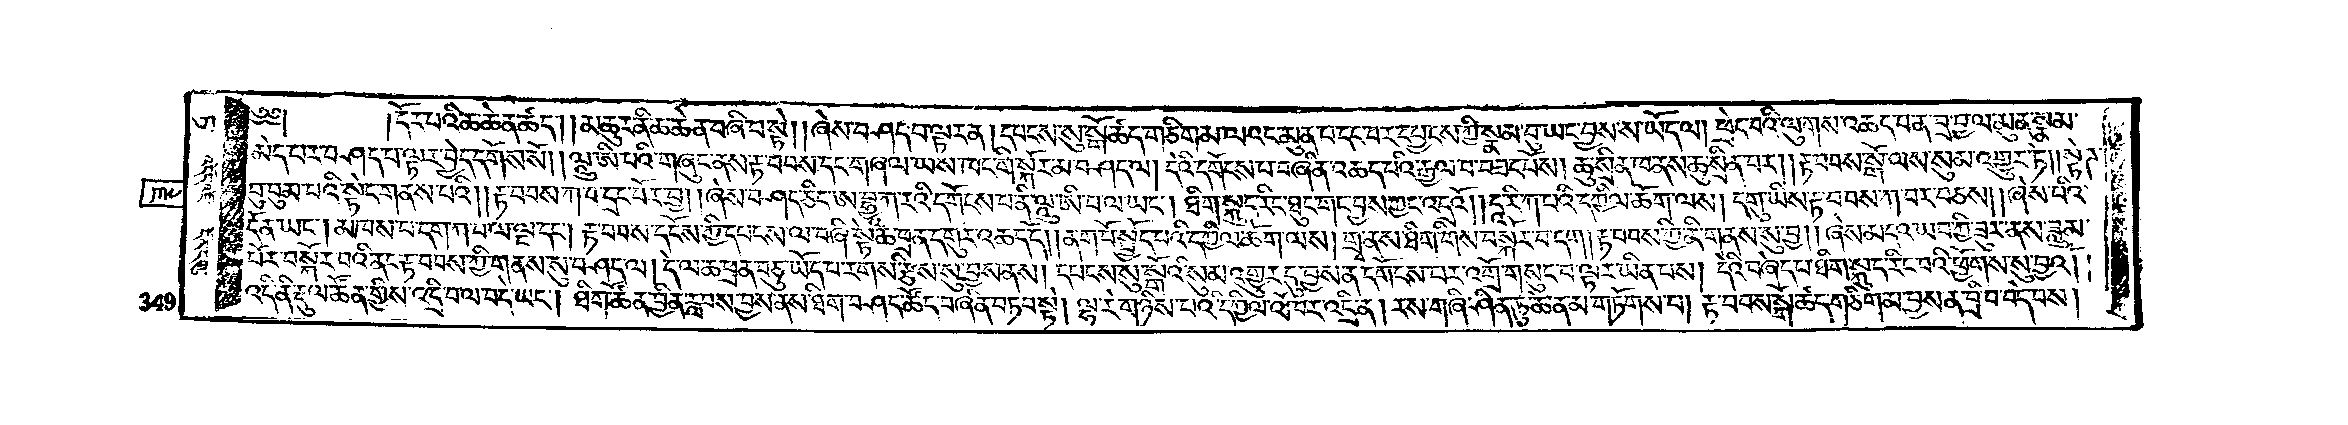༄༅། །དོར་པའི་ཆ་ཆེན་ཚད། །མཆུར་ནི་ཆ་ཆེན་བཞི་པ་སྟེ། །ཞེས་བཤད་པ་ལྟར་ན། དཔངས་སུ་སྒོ་ཚད་གཅིག་མ་ལའང་མུན་པ་དང་དར་དཔྱངས་ཀྱི་སྣམ་བུ་ཡང་བྱས་ས་ཡོད་ལ། ཕྲེང་བའི་ལུགས་འཆད་པ་ན་བྲེ་བྱ་ལ་མུན་སྣམ་
མེད་པར་བཤད་པ་ལྟར་བྱེད་དགོས་སོ། །ལཱུ་ཨཾ་པའི་གཞུང་ནས་རྟ་བབས་དང་གཞལ་ཡས་ཁང་གི་སྐོར་མ་བཤད་ལ། དེའི་དགོངས་པ་བཞིན་འཆད་པའི་རྒྱལ་བ་བཟང་པོས། ཆུ་སྲིན་ཁ་ནས་ཆུ་སྲིན་པར། །རྟ་བབས་སྒོ་ལས་སུམ་འགྱུར་ཏེ། །སྟེགས་
བུ་བུམ་པའི་སྟེང་གནས་པའི། །རྟ་བབས་ཀ་བ་དྲང་པོར་བྱ། །ཞེས་བཤད་ཅིང་ཨ་བྷྱཱ་ཀ་རའི་དགོངས་པ་ནི་ལཱུ་ཨི་པ་ལ་ཡང་། ཐིག་སྐུད་རིང་ཐུང་གང་བྱས་ཀྱང་འདྲའོ། །དཱ་རི་ཀ་པའི་དཀྱིལ་ཆོག་ལས། དགུ་ཡིས་རྟ་བབས་ཀ་བར་བཅས། །ཞེས་པའི་
དོན་ཡང་། མཁས་པ་དག་ཀ་པ་ལ་ལྔ་དང་། རྟ་བབས་དངོས་ཀྱི་དཔངས་ལ་བཞི་སྟེ་ཆ་ཕྲན་དགུར་འཆད་དོ། །ནག་པོ་སྤྱོད་པའི་དཀྱིལ་ཆོག་ལས། གྲྭ་ནས་ཐིག་གིས་བསྐོར་བ་དག །རྟ་བབས་ཀྱི་མི་གནས་སུ་བྱ། །ཞེས་མདའ་ཡབ་ཀྱི་ཟུར་ནས་ཟླུམ་
པོར་བསྐོར་བའི་ནང་རྟ་བབས་ཀྱི་གནས་སུ་བཤད་ལ། དེ་ལ་ཆ་ཕྲན་བཅུ་ཡོད་པ་རགས་རྩིས་སུ་བྱས་ནས། དཔངས་སུ་སྒོའི་སུམ་འགྱུར་དུ་བྱས་ན་དགོངས་པར་འགྲོ་གསུང་བ་ལྟར་ཡིན་པས། དེའི་བཞེད་པ་ཐིག་སྐུད་རིང་བའི་ཕྱོགས་སུ་བྱའོ། །
འདི་ནཾ་རྡུལ་ཚོན་གྱིས་འདྲི་བ་ལ་བདེ་ཡང་། ཐིག་ཚོན་བྱིན་རླབས་བྱས་ནས་ཐིག་བཤད་ཚོད་བཞིན་བཏབ་སྟེ། ལྷ་རེ་གཉིས་པའི་དཀྱིལ་འཁོར་འདྲི་ན། རས་གཞི་ཤིན་ཏུ་ཚན་མ་གཏོགས་པ། རྟ་བབས་སྒོ་ཚད་གཅིག་མ་བྱས་ན་བྲི་བ་བདེ་བས།